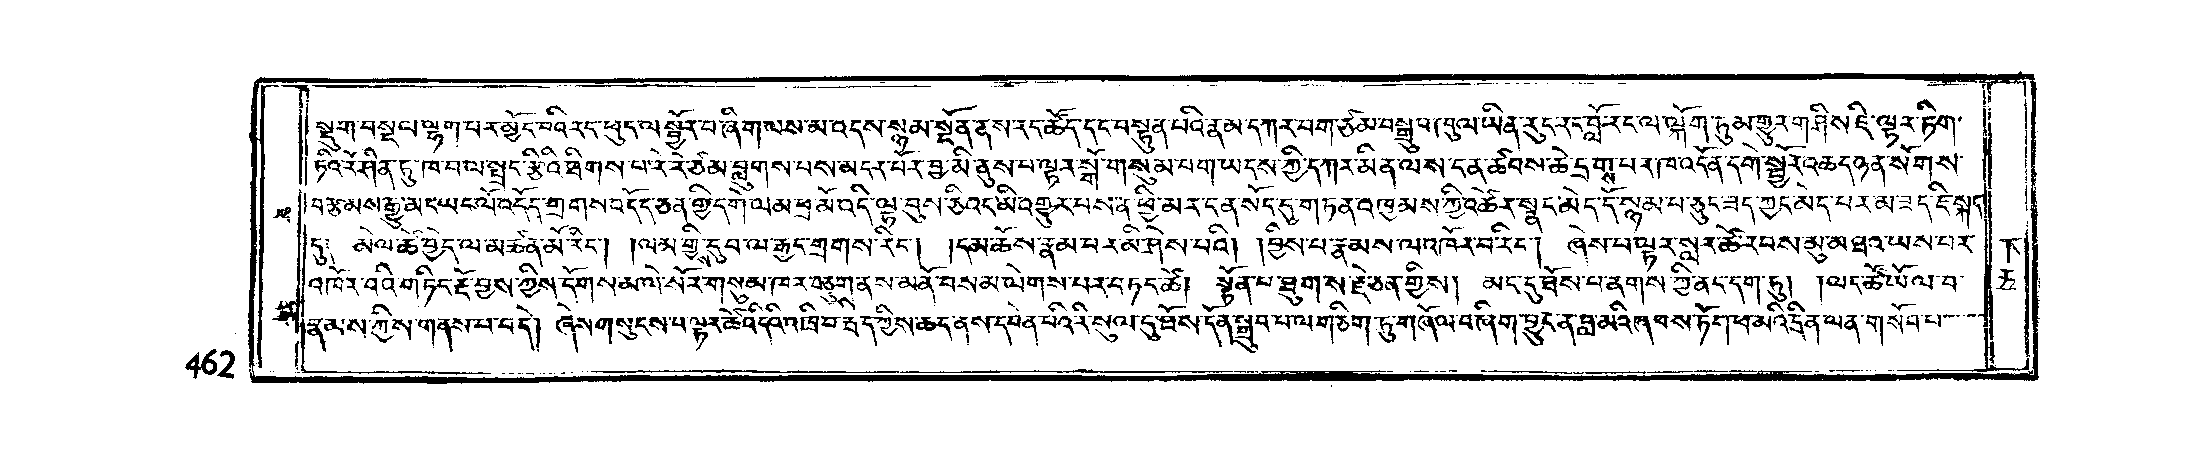སྡུག་བསྔལ་ལྷག་པར་མྱོང་བའི་རང་ཕུང་ལ་སྦྱོར་བ་ཞིག་ལས་མ་འདས་སྙམ་སྔོན་ནས་རང་ཚོད་དང་བསྟུན་པའི་རྣམ་དཀར་བག་ཙམ་བསྒྲུབ་ཁུལ་ཡིན་རུང་རང་བློ་རང་ལ་ལྐོག་ཏུ་མ་གྱུར་གཤིས་ཇི་ལྟར་ཏིག་
ཏའི་རོ་ཤིན་ཏུ་ཁ་བ་ལ་སྤྲང་རྩིའི་ཐིགས་པ་རེ་རེ་ཙམ་བླུགས་པས་མངར་པོར་བྱ་མི་ནུས་པ་ལྟར་སྒོ་གསུམ་བག་ཡངས་ཀྱི་དཀར་མིན་ལས་ངན་ཚབས་ཆེ་དྲགས་པར་ཁ་འདོན་དགེ་སྦྱོར་འཆད་ཉན་སོགས་
བརྩམས་རྒྱུ་མང་ཡང་ལོ་འདོད་གྲགས་འདོད་ཅན་གྱི་དགེ་ལམ་ཕྲ་མོ་འདི་ལྟ་བུས་ཅིའང་མི་འགྱུར་པས་ན་ཕྱི་མར་ངན་སོང་དུ་གཏན་འཁྱམས་ཀྱི་འཚེར་སྣང་མེད་དོ་སྙམ་པ་ཅུང་ཟད་ཀྱང་མེད་པར་མ་ཟད་ཇི་སྐད་
དུ། མེལ་ཚེ་བྱེད་ལ་མཚན་མོ་རིང་། །ལམ་གྱིས་དུབ་ལ་རྒྱང་གྲགས་རིང་། །དམ་ཆོས་རྣམ་པར་མི་ཤེས་པའི། །བྱིས་པ་རྣམས་ལ་འཁོར་བ་རིང་། ཞེས་པ་ལྟར་སླར་ཚེ་རབས་མུ་མཐའ་ཡས་པར་
འཁོར་བའི་གཏིང་རྔོ་བྱས་ཀྱིས་དོགས་མ་ལེ་སོར་གསུམ་ཁར་བཅུགས་ནས་མནོ་བསམ་ལེགས་པར་བཏང་ཚེ། སྟོན་པ་ཐུགས་རྗེ་ཅན་གྱིས། མང་དུ་ཐོས་པ་ནགས་ཀྱི་ནང་དག་ཏུ། །ལང་ཚོ་ཡོལ་བ་
རྣམས་ཀྱིས་གནས་པ་བདེ། ཞེས་གསུངས་པ་ལྟར་ཚེ་འདིའི་འཁྲི་བ་རྦད་ཀྱིས་ཆད་ནས་དབེན་པའི་རི་སུལ་དུ་ཐོས་དོན་སྒྲུབ་པ་ལ་གཅིག་ཏུ་གཞོལ་བ་ཞིག་བྱུང་ན་བླ་མའི་ཞབས་ཏོག། ཕ་མའི་དྲིན་ལན་གསོབ་པ་